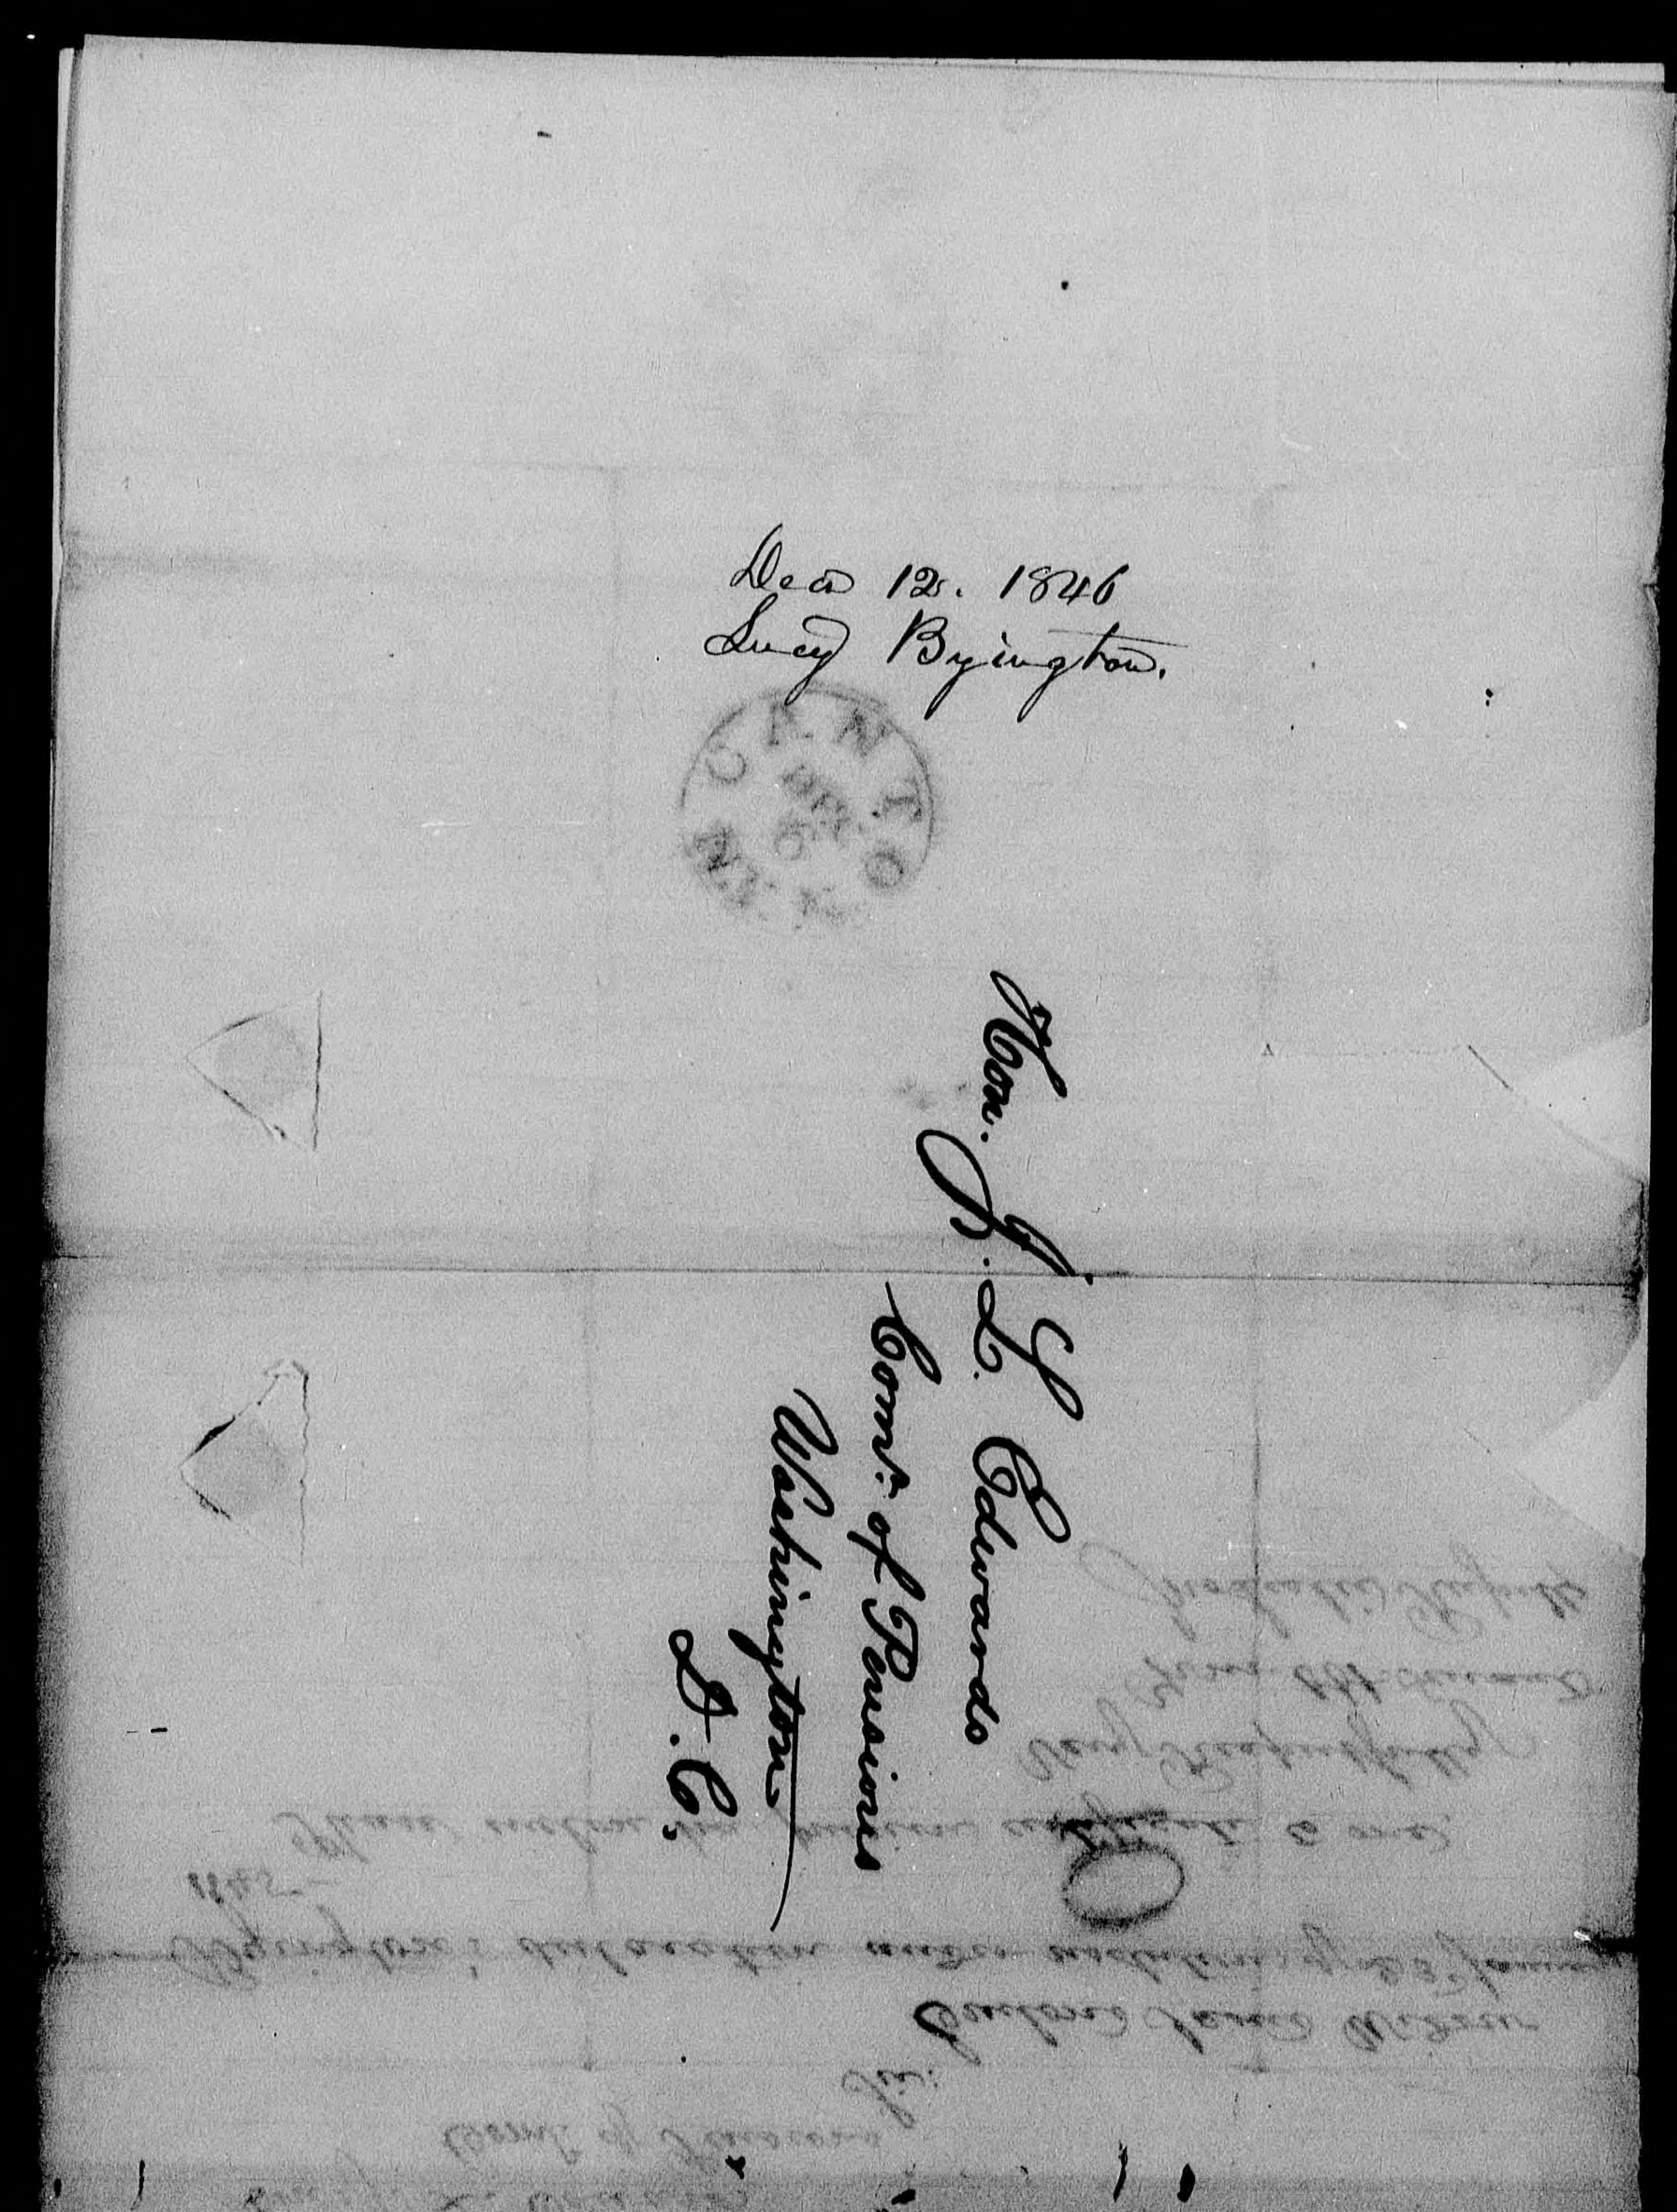Dec. 12, 1846
Lucy Byington

Hon. J. L. Edwards
Com. of Pensions
Washington D.C.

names: J L Edwards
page: 38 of 79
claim: widow's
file: W. 23754, Justus Byington, Conn.